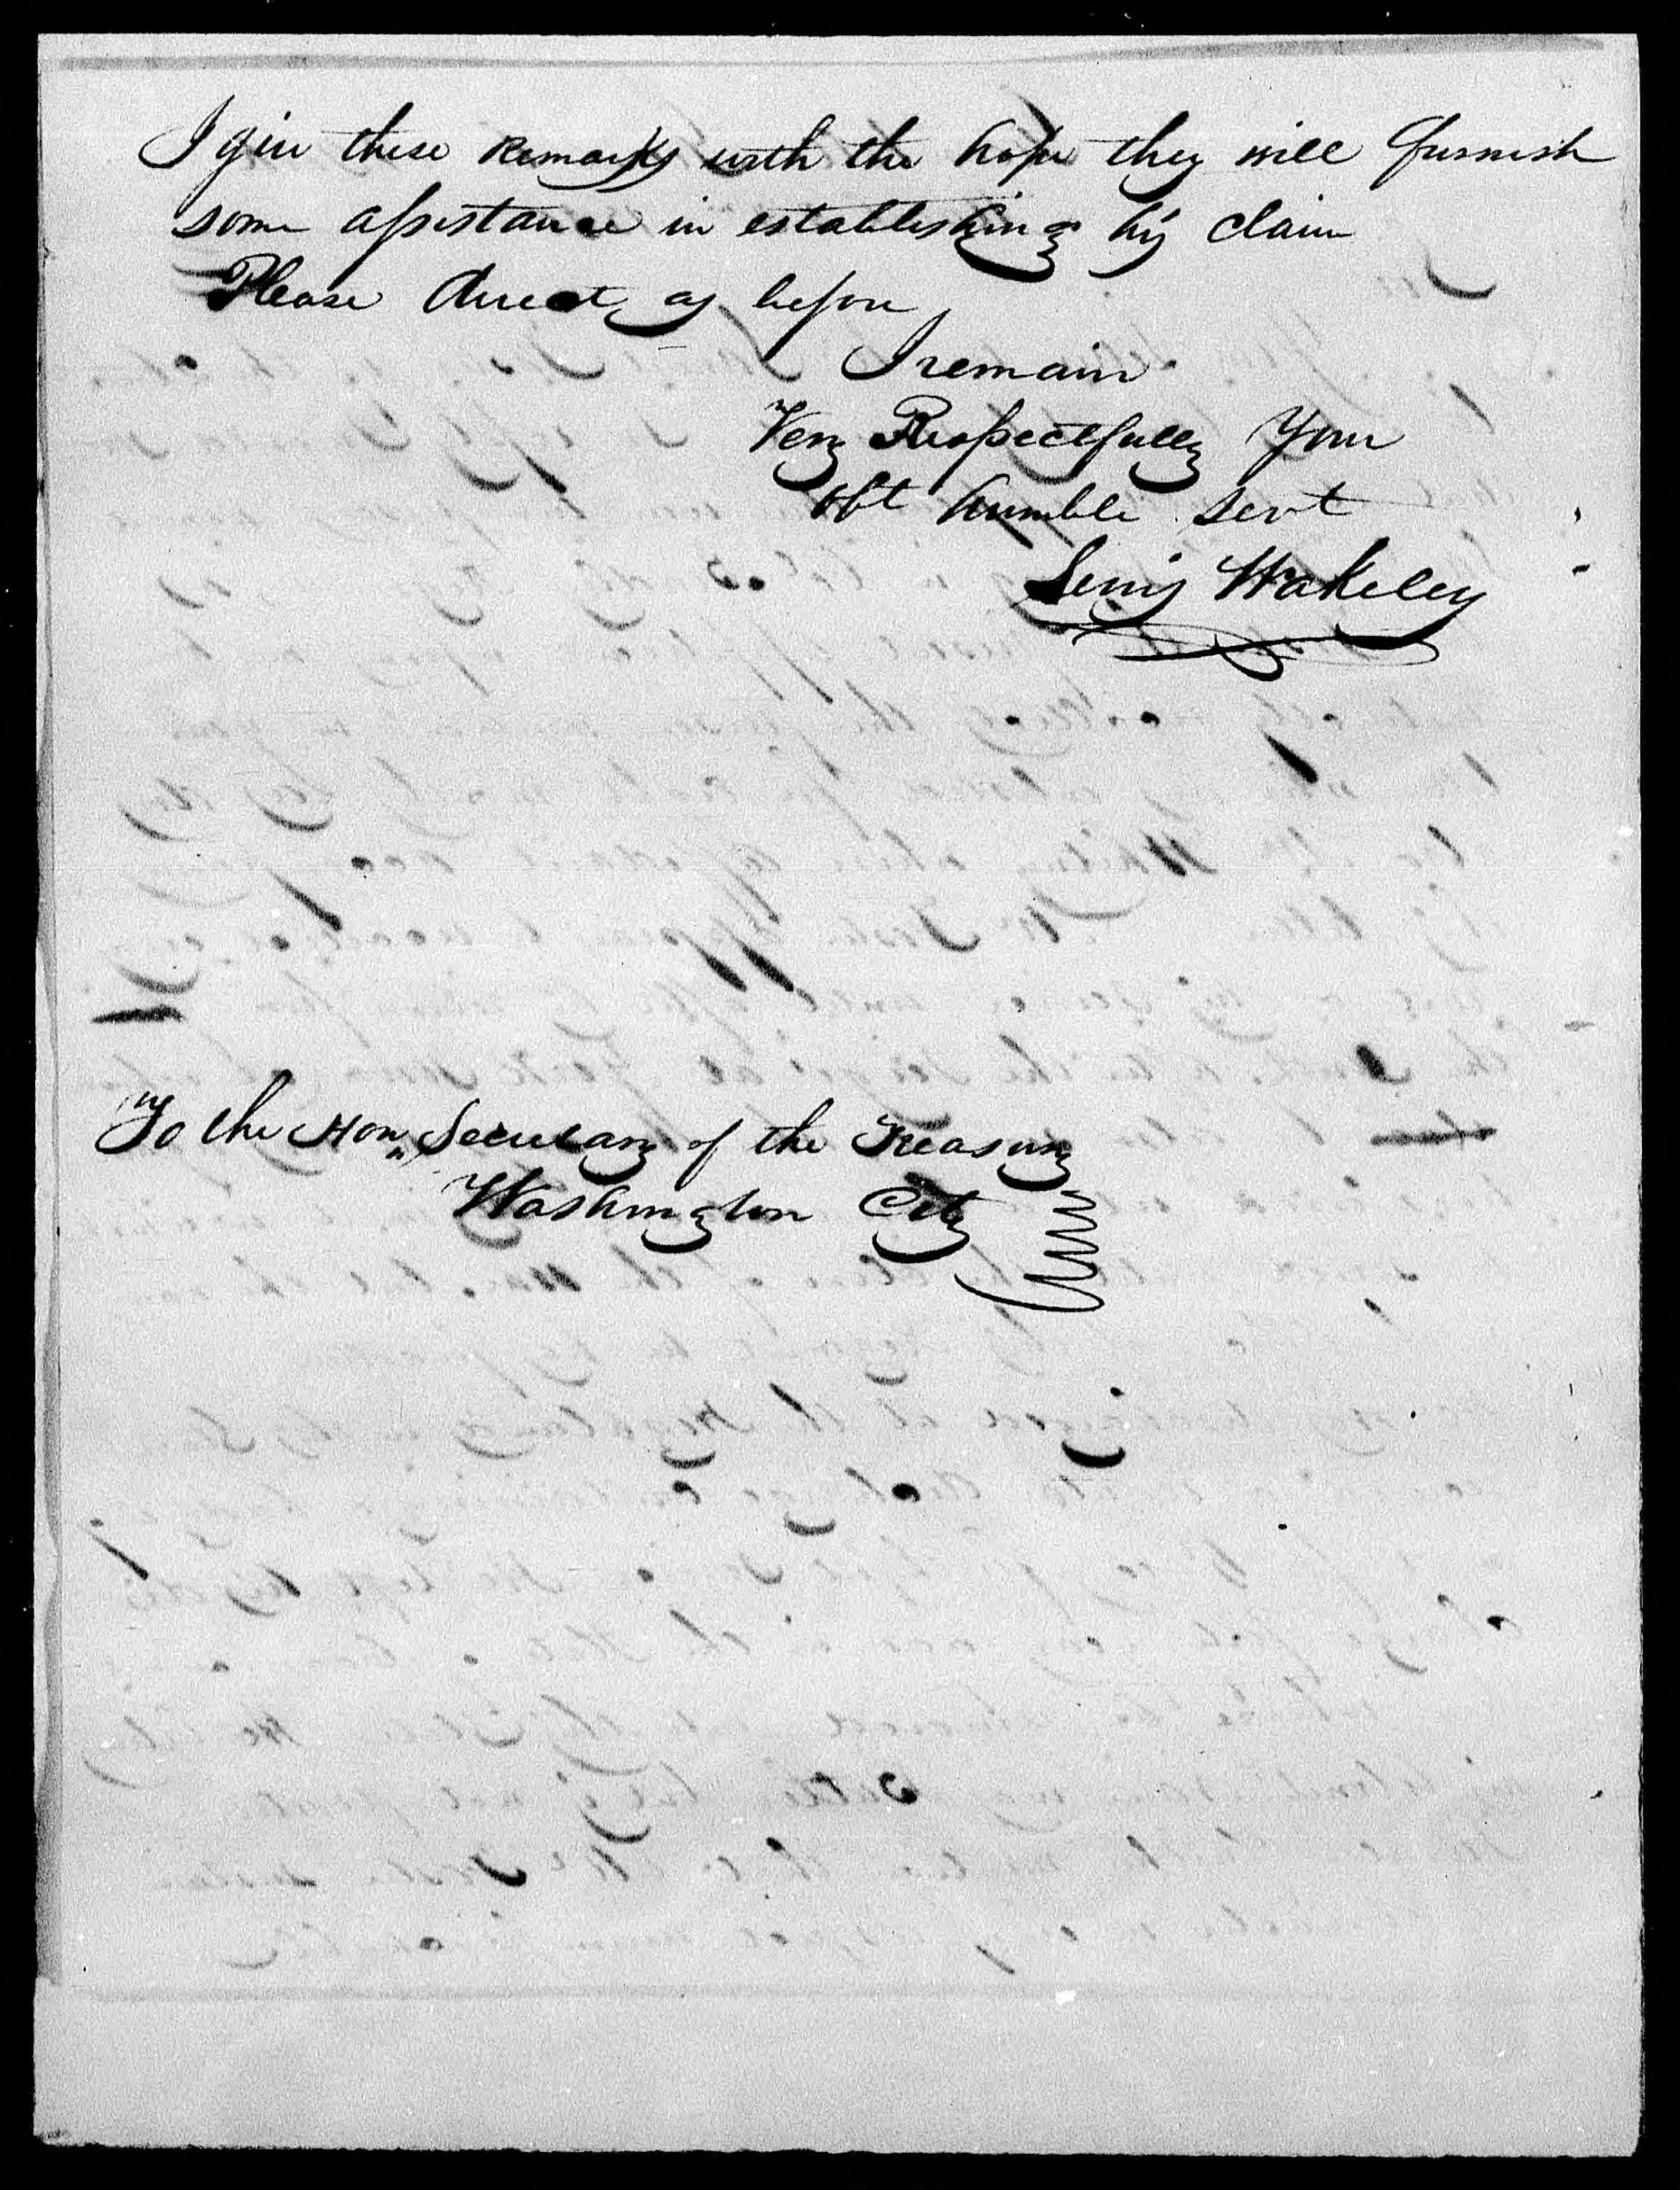I give these remarks with the hope they will furnish some assistance in establishing his claim
Please direct as before
I remain Very Respectfully your obt humble sevt
Lewis Wakeley
To the Hon Secretary of the Treasury
Washington City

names: Lewis Wakeley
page: 46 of 54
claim: survivor's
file: S. 13,043, Samuel Foster, Conn.